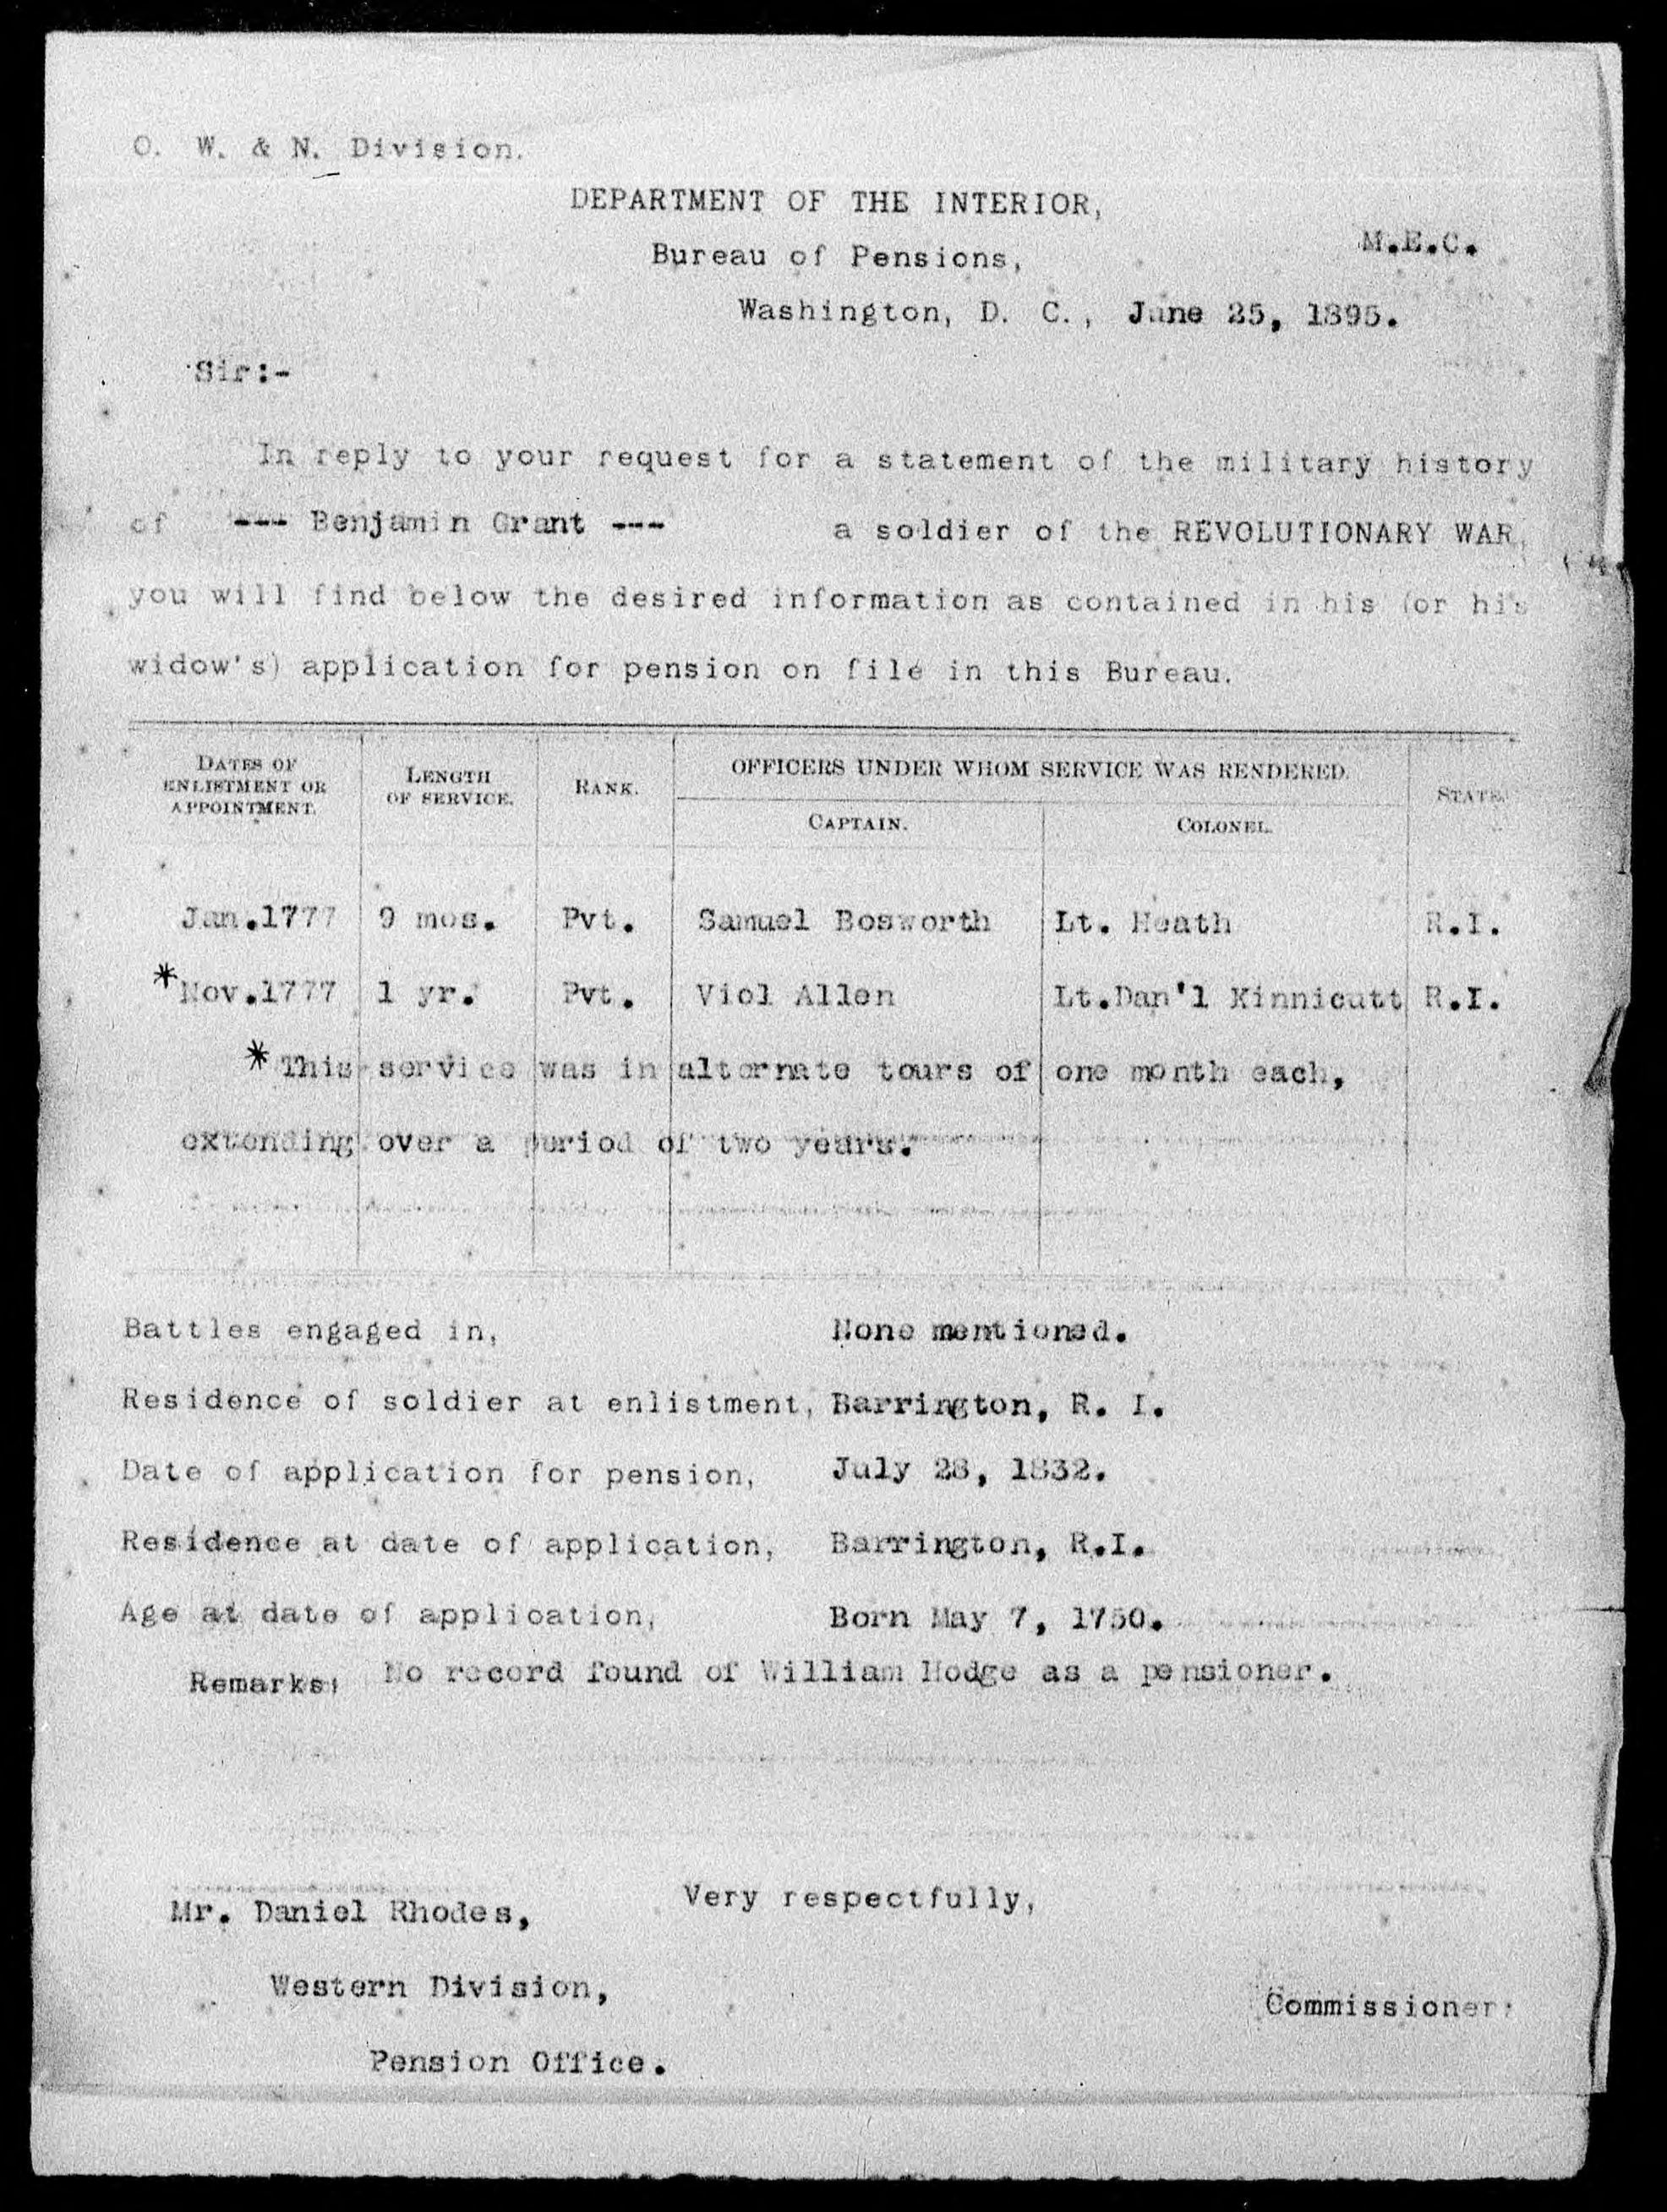O.W.&N. Division

DEPARTMENT OF THE INTERIOR.
Bureau of Pensions, M.E.C.
Washington, D.C., June 25, 1895

Sir:-

In reply to your request for a statement of the military history of ---Benjamin Grant--- a soldier of the REVOLUTIONARY WAR, you will find below the desired information as contained in his (or his widow's) application for pension on file in this Bureau.

DATES OF ENLISTMENT OR APPOINTMENT. LENGTH OF SERVICE. RANK. OFFICERS UNDER WHOM SERVICE WAS RENDERED. STATE.
[Row 1] Jan. 1777. 9 mos. Pvt. CAPTAIN Samuel Bosworth. COLONEL Lt. Heath. R.I.
[Row 2] *Nov. 1777. 1 yr. Pvt. CAPTAIN Viol [Viall] Allen. COLONEL Lt. Dan'l Kinnicutt. R.I.

*This service was in alternate tours of one month each, extending over a period of two years.

Battles engaged in, None mentioned.
Residence of soldier at enlistment, Barrington, R.I.
Date of application for pension, July 28, 1832.
Residence at date of application, Barrington, R.I.
Age at date of application, Born May 7, 1750.

Remarks: No record found of William Hodge as a pensioner.

Mr. Daniel Rhodes,
Western Division,
Pension Office.

Very respectfully,
Commissioner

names: William Hodge, Samuel Bosworth, Benjamin Grant, Heath, Viol Allen, Daniel Rhodes, Danl Kinnicutt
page: 8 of 21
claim: survivor's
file: S. 17,446, Benjamin Grant, R.I.